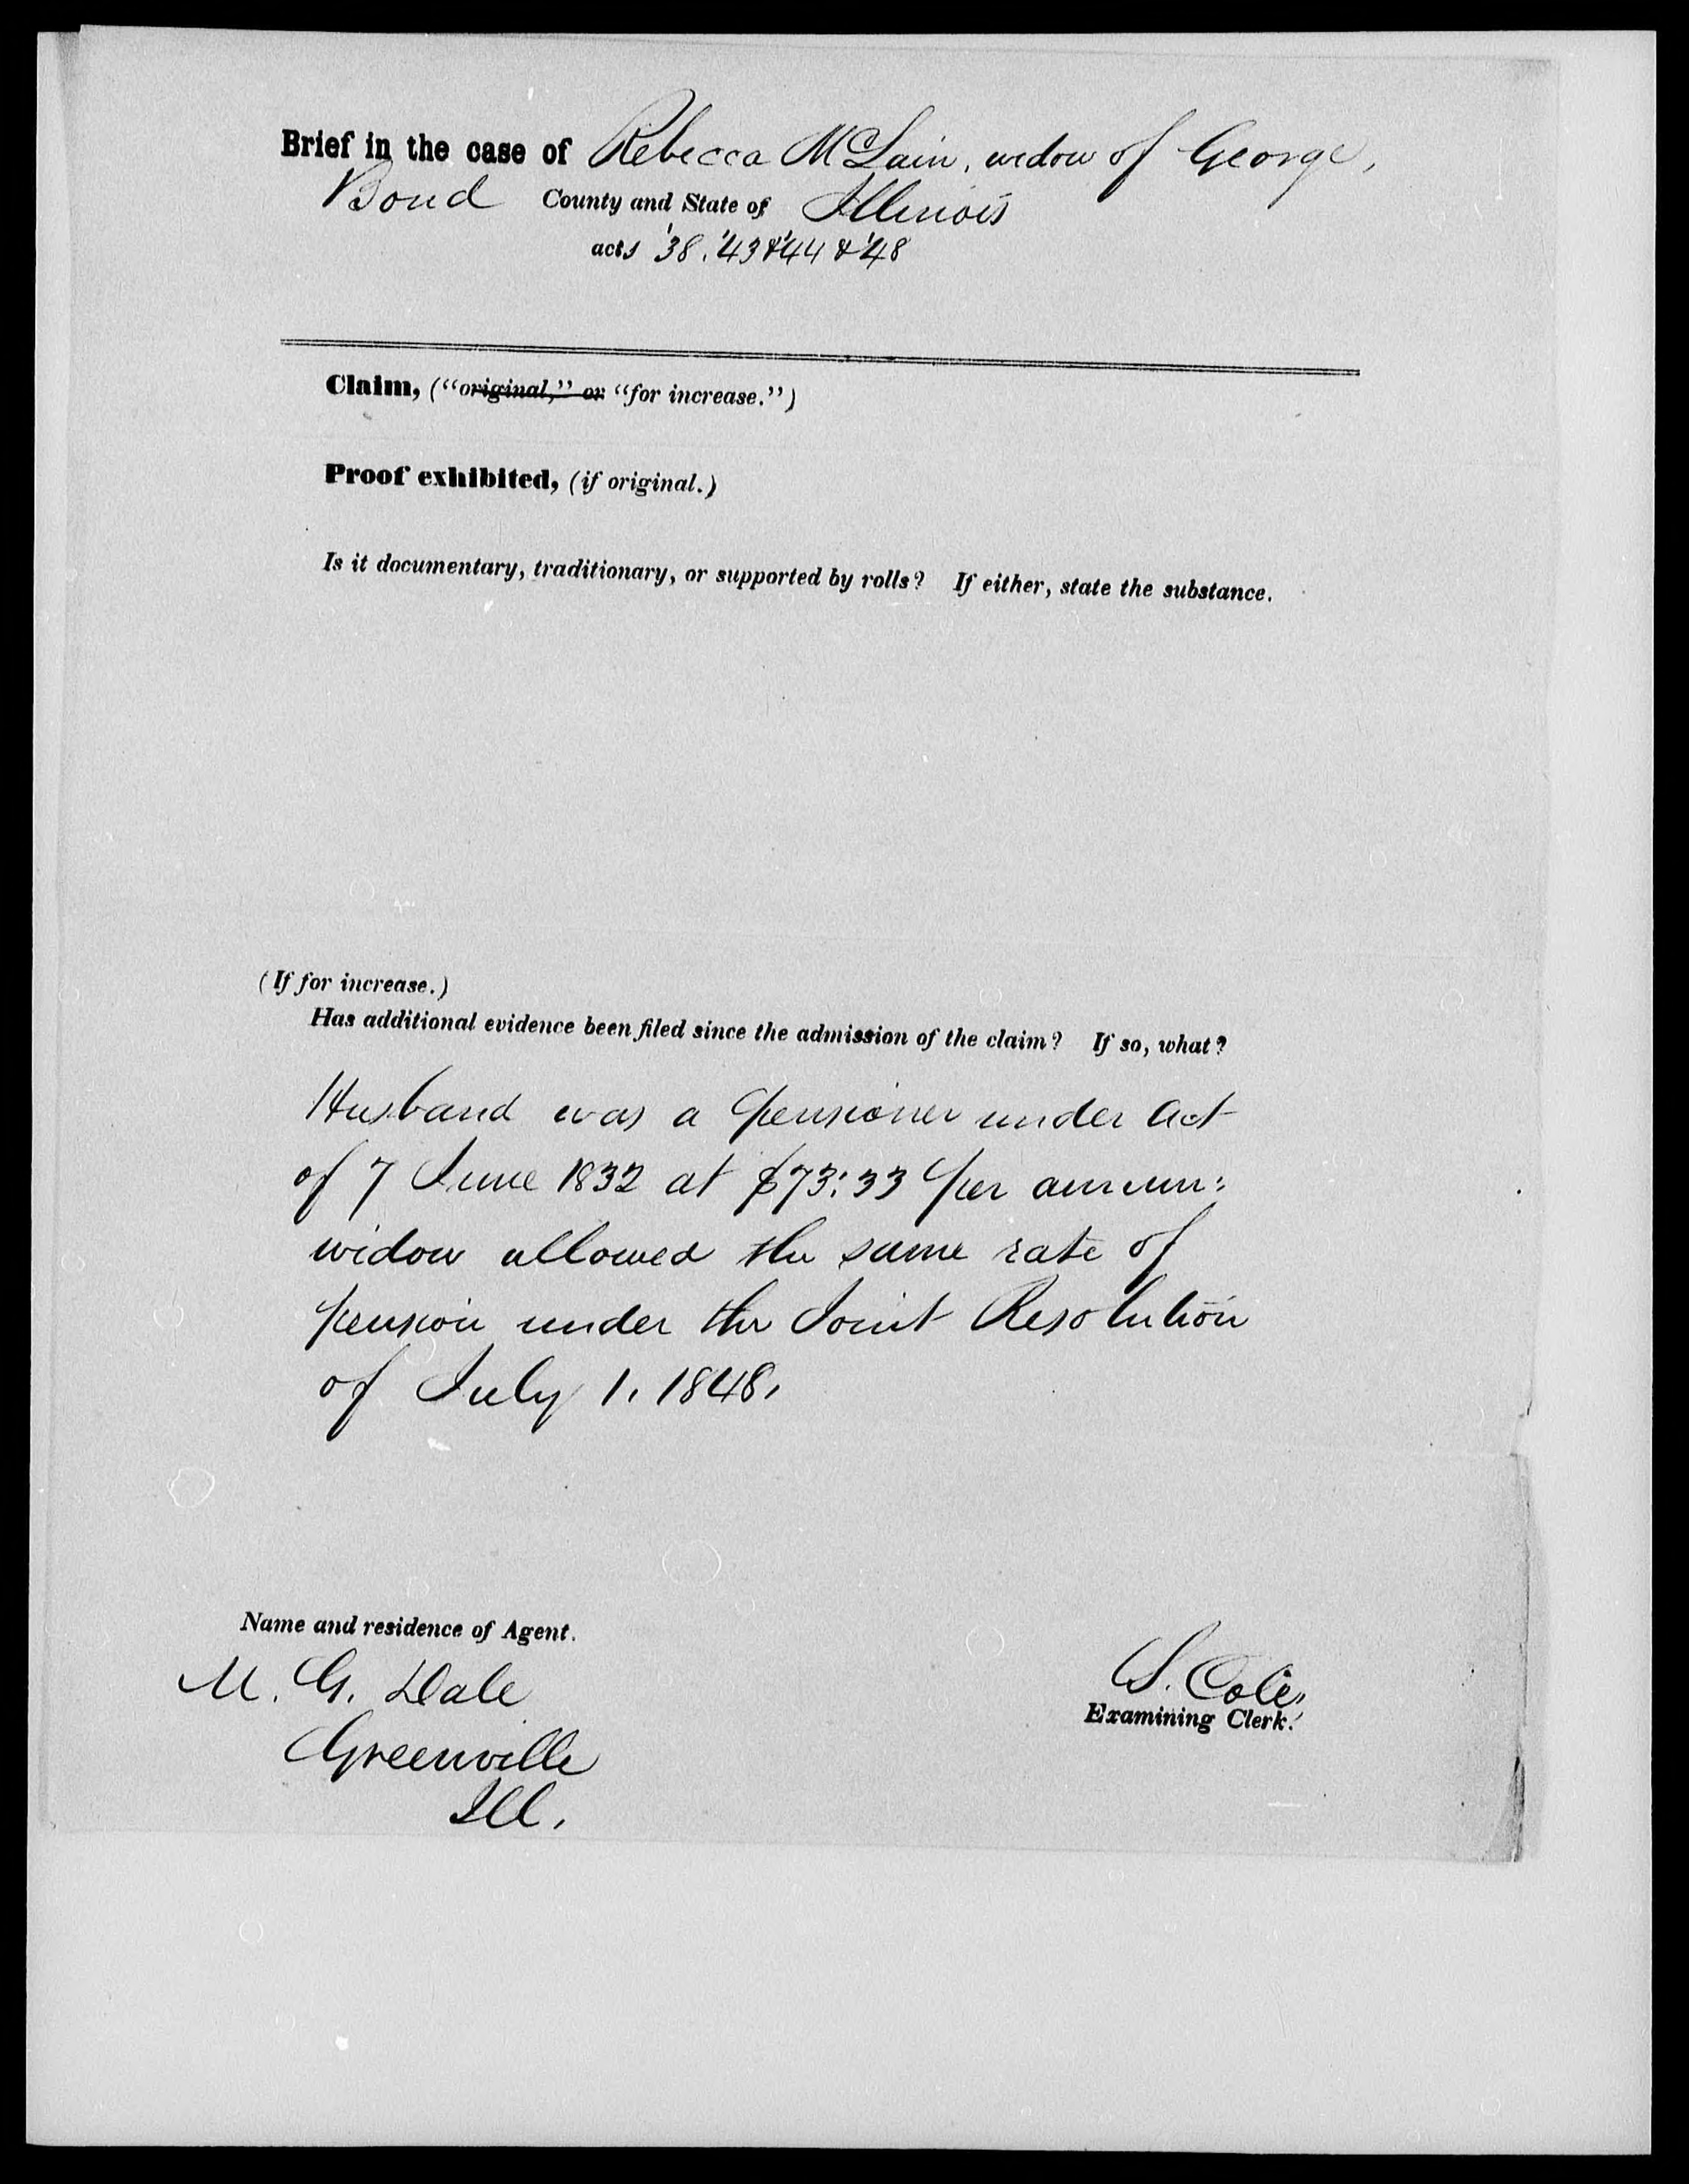[typed form, with handwritten responses]

Brief in the case of Rebecca McLain, widow of George Bond County and State of Illinois acts ‘38, ’43, ‘44 & ‘48 

Claim, ([crossed out - “original,” or] “for increase.”) 

Proof exhibited, (if original.) 

Is it documentary, traditionary, or supported by rolls? If either, state the substance.

(If for increase.) 
Has additional evidence been filed since the admission of the claim? Is so, what?
Husband was a pensioner under act of 7 June 1832 at $73.33 per annum. widow allowed the same rate of pension under the Joint Resolution of July 1, 1848, 

Name and residence of Agent 
M. G. Dale Greenville Ill.

S. Cole
Examining Clerk.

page: 39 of 67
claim: widow's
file: W. 21793, for George Mc Lain, North Carolina